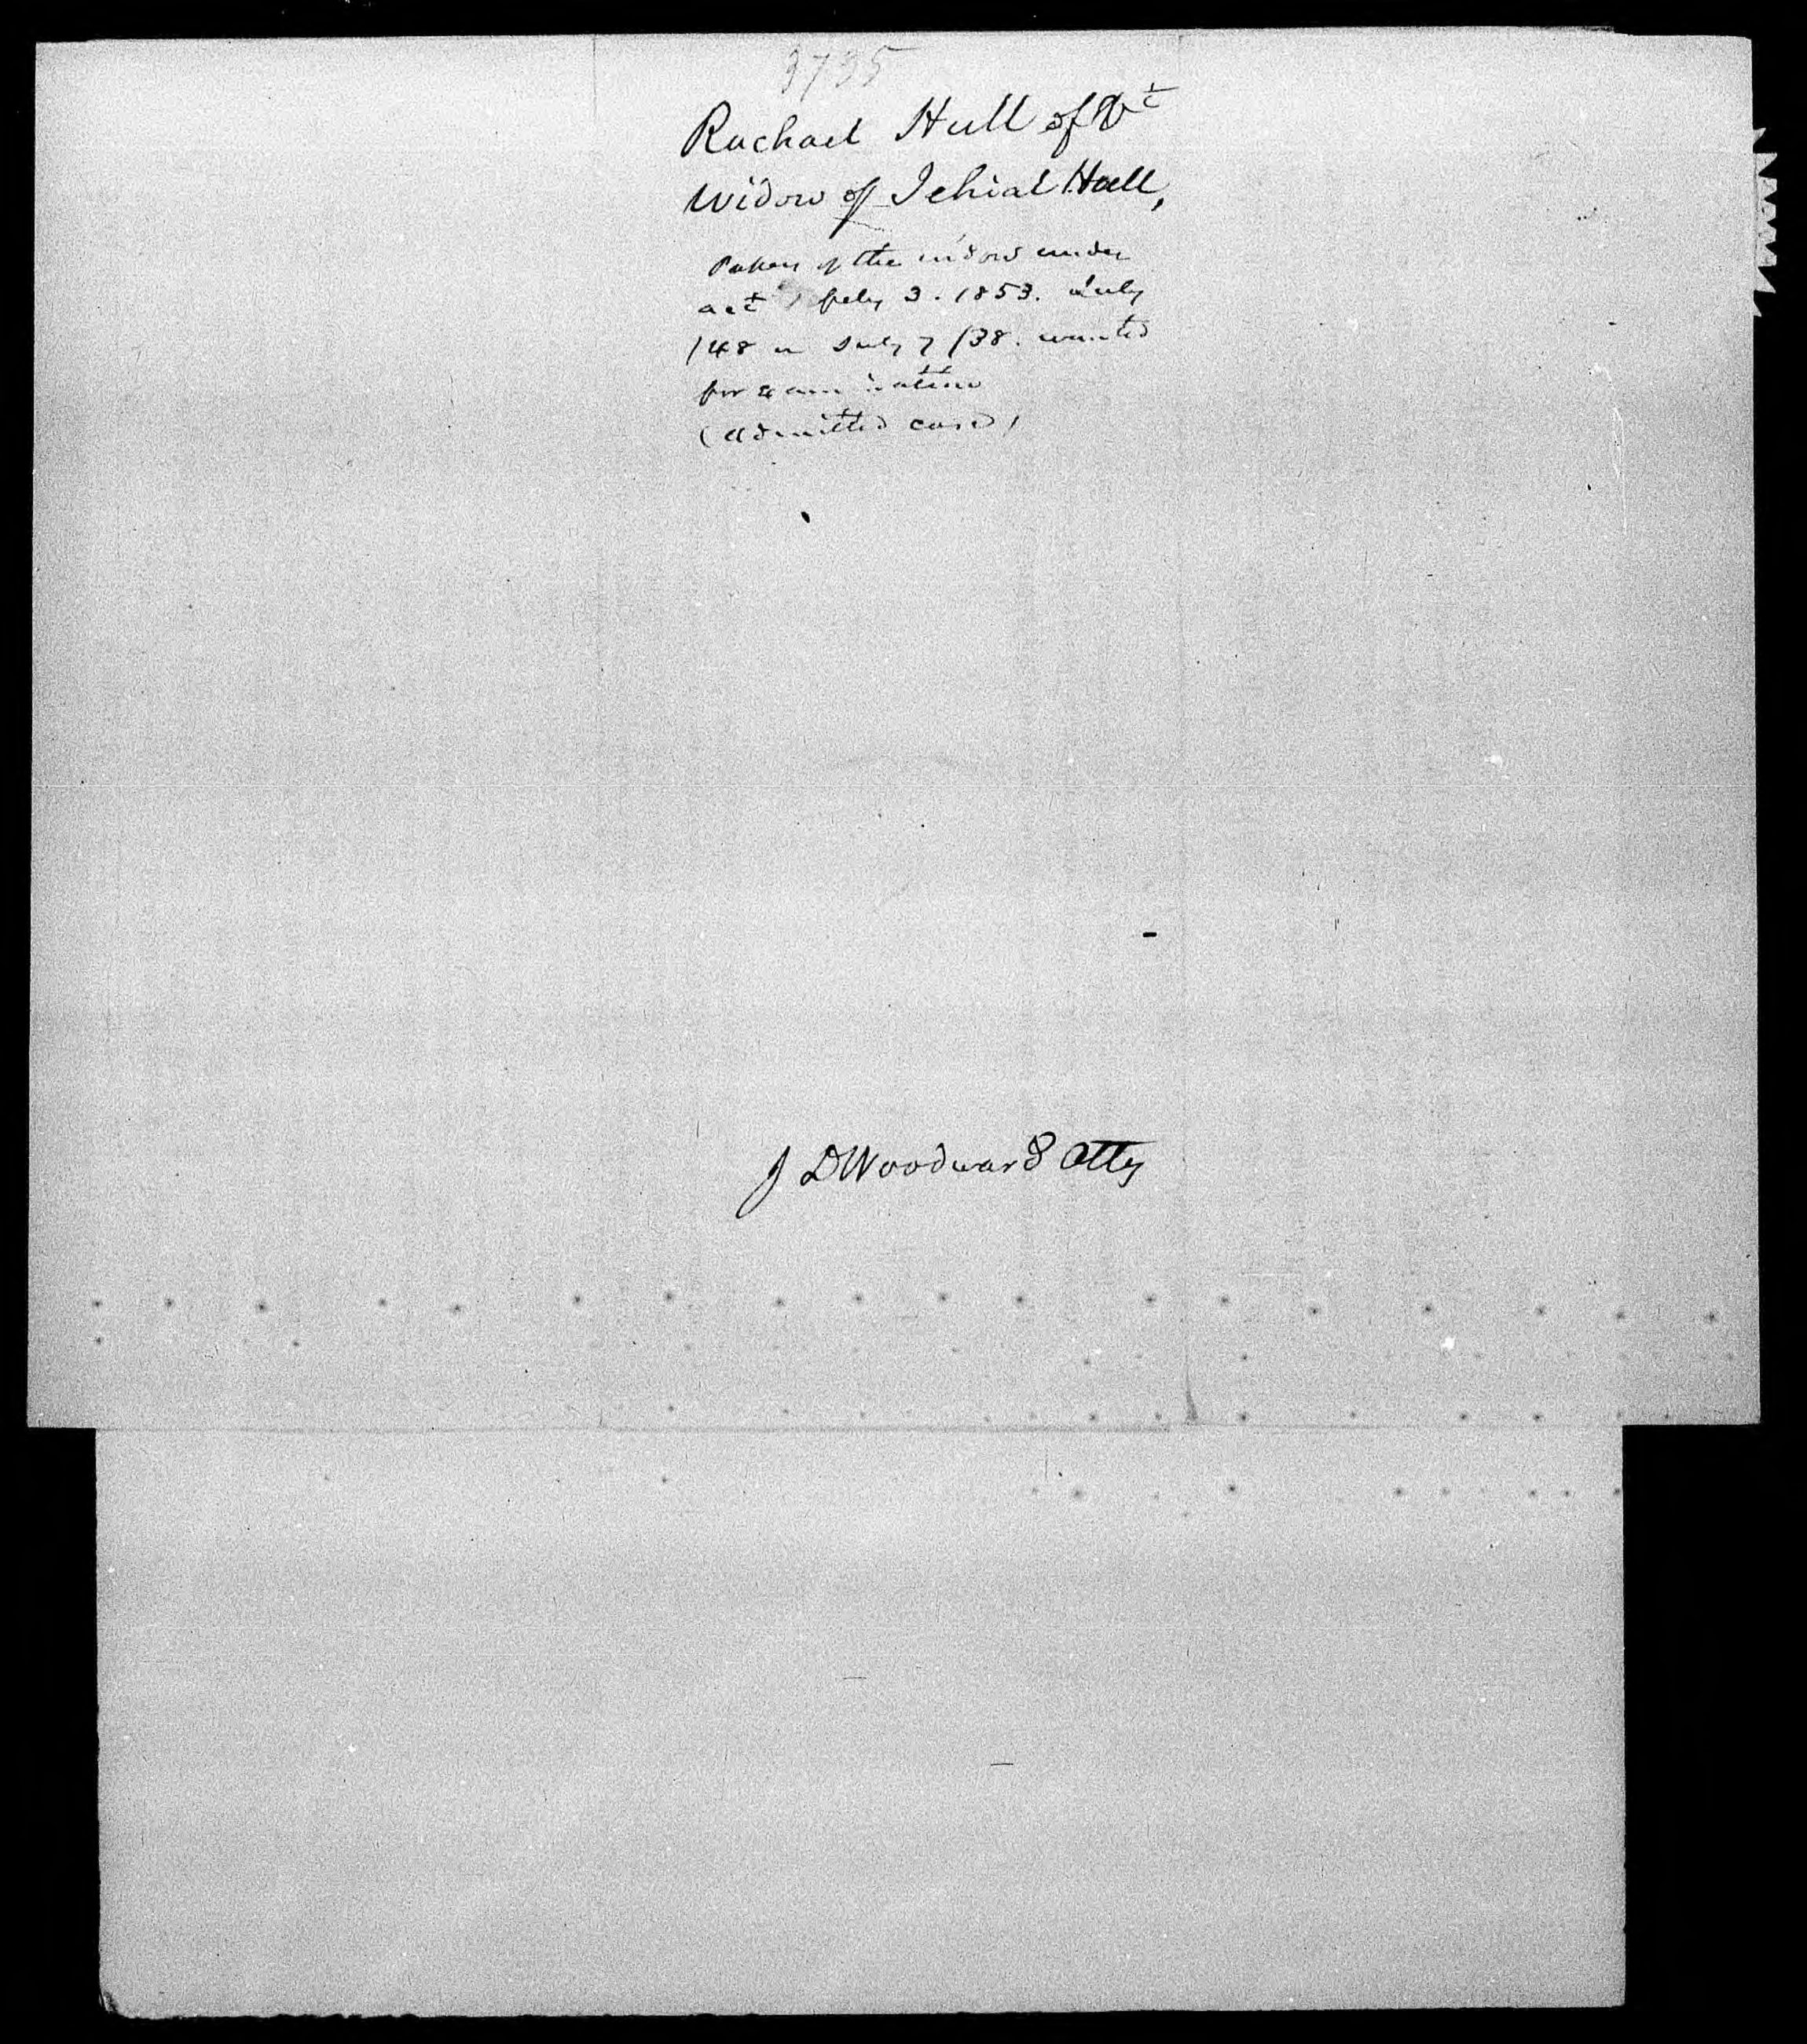3735
Rachel Hull of ILLEGIBLE
widow of Jehial Hull 
ILLEGIBLE of the ILEGIBLE under act July 3 1853. july/48 n july 7/38 ILLEGIBLE for ILLEGIBLE ( admitted ILLEGIBLE) 
J D Woodward atty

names: Rachael Hull, Jehial Hull, J D Woodward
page: 33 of 58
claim: widow's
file: W. 25813, Jehiel Hull, Conn.